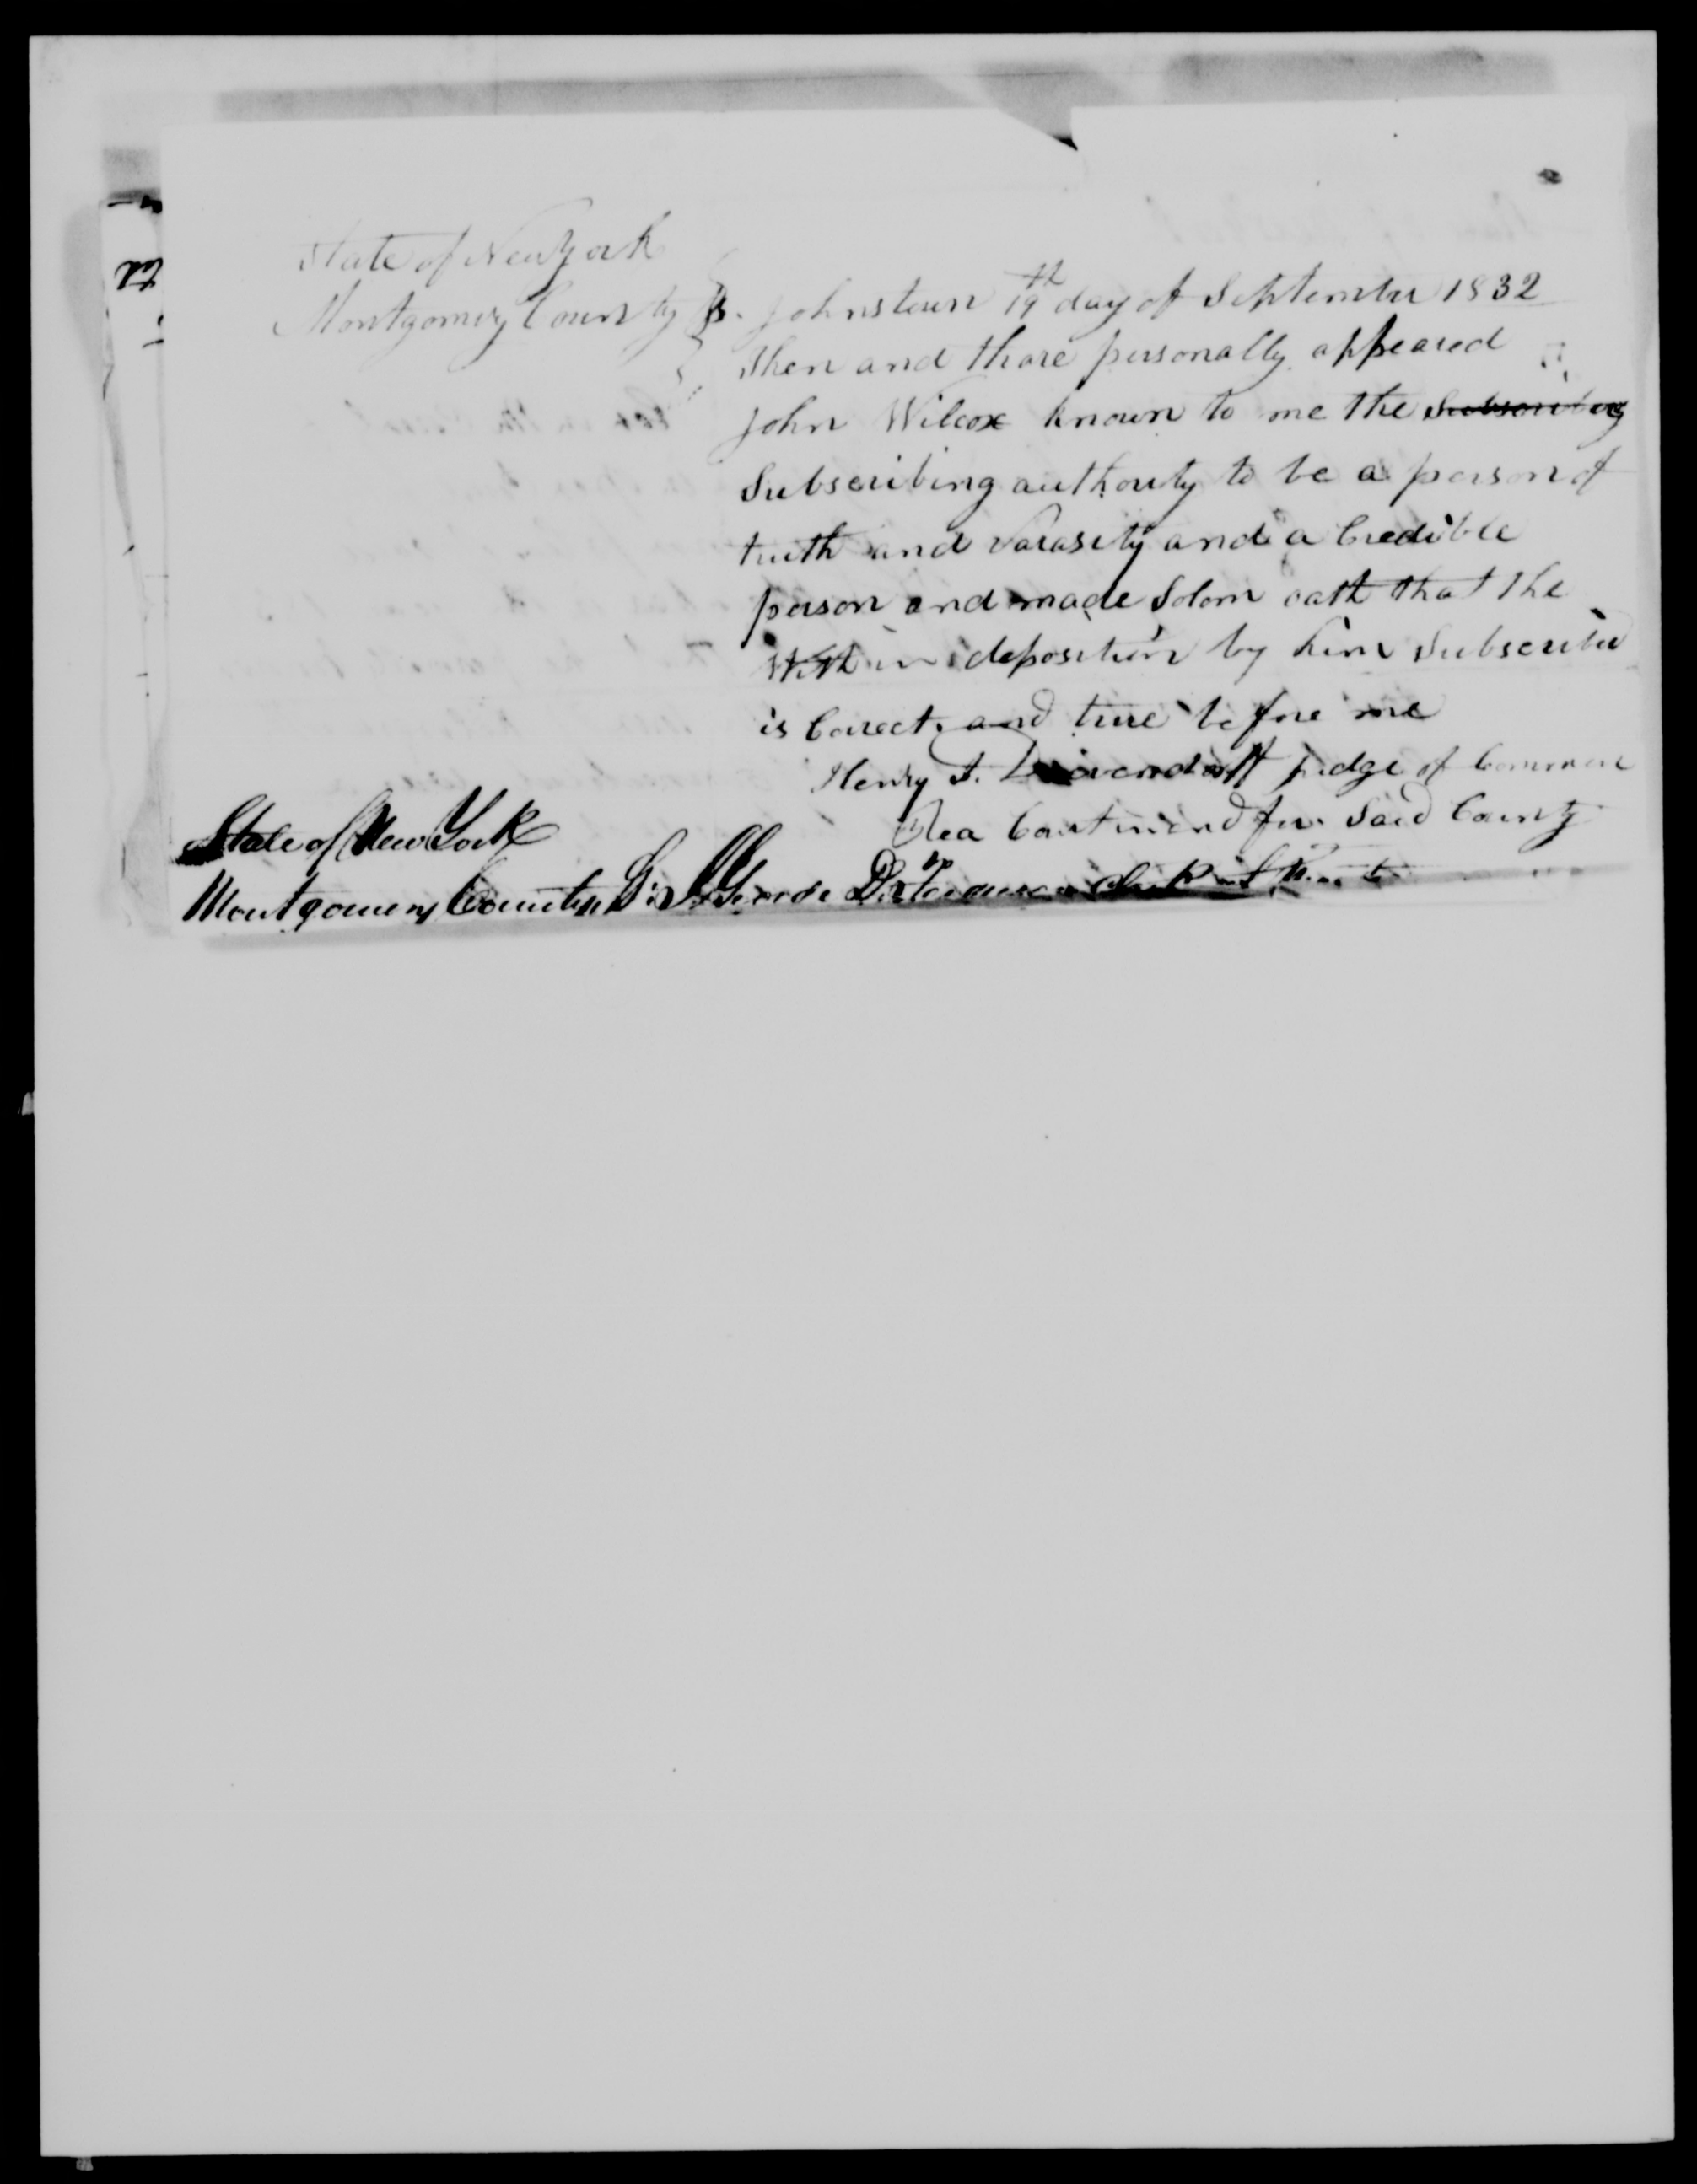State of New York
Montgomery County SS
Johnstoun 19th day of September 1832 then and there personally appeared John Wilcox known to me the subscribing authority to be a person of truth and varasity and a credible person and made solom oath that the within deposition by him subscribed is correct and true before me
Henry I Deivendorff Judge of Common Plea Court in and for said County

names: George D Ferguson, Henry J Deivendorff, John Wilcox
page: 27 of 46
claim: widow's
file: W. 18,417, James Willcox, Conn.